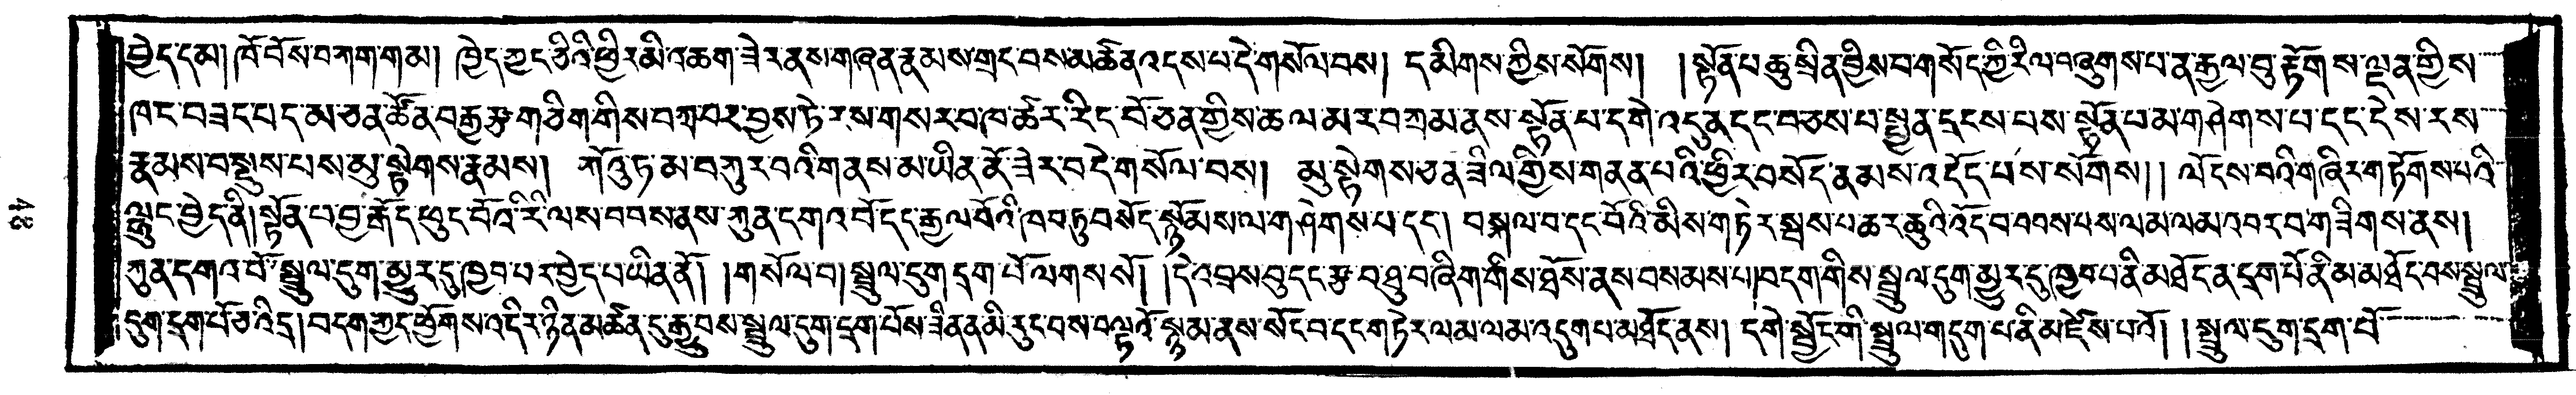བྱེད་དམ། ཁོ་བོས་བཀག་གམ། ཁྱེད་ཀྱང་ཅིའི་ཕྱིར་མི་འཆག་ཟེར་ནས་གཞན་རྣམས་གྲང་བས་མཚན་འདས་པ་དེ་གསོལ་བས། དམིགས་ཀྱིས་སོགས། །སྟོན་པ་ཆུ་སྲིན་བྱིས་པ་གསོད་ཀྱི་རིལ་བཞུགས་པ་ན་རྒྱལ་བུ་རྟོགས་ལྡན་གྱིས་
ཁང་བཟང་པད་མ་ཅན་ཚོན་བརྒྱ་རྩ་གཅིག་གིས་བཀྲ་བར་བྱས་ཏེ་རས་གསར་བ་ཁ་ཚར་རིང་བོ་ཅན་གྱིས་ཆལ་མར་བཀྲམ་ནས་སྟོན་པ་དགེ་འདུན་དང་བཅས་པ་སྤྱན་དྲངས་པས་སྟོན་པ་མ་གཤེགས་པ་དང་དེས་རས་
རྣམས་བསྡུས་པས་མུ་སྟེགས་རྣམས། ཀོའུ་ཏ་མ་བཀུར་བའི་གནས་མ་ཡིན་ནོ་ཟེར་བ་དེ་གསོལ་བས། མུ་སྟེགས་ཅན་ཟིལ་གྱིས་གནན་པའི་ཕྱིར་བསོད་ནམས་འདོད་པས་སོགས། །ལོངས་བའི་གཞིར་གཏོགས་པའི་
ལྷུང་བྱེད་ནི། སྟོན་པ་བྱ་རྒོད་ཕུང་བོའི་རི་ལས་བབས་ནས་ཀུན་དགའ་བོ་དང་རྒྱལ་བོའི་ཁབ་ཏུ་བསོད་སྙོམས་ལ་གཤེགས་པ་དང་། བསྐལ་བ་དང་བོའི་མིས་གཏེར་སྦས་པ་ཆར་ཆུའི་འོད་བ་བབས་པས་ལམ་ལམ་འབར་བ་གཟིགས་ནས།
ཀུན་དགའ་བོ་སྤྲུལ་དུག་མྱུར་དུ་ཁྱབ་པར་བྱེད་པ་ཡིན་ནོ། །གསོལ་བ། སྤྲུལ་དུག་དྲག་པོ་ལགས་སོ། །དེ་འབྲས་བུ་དང་རྩ་བ་ཐུ་བ་ཞིག་གིས་ཐོས་ནས་བསམས་པ་།བདག་གིས་སྤྲུལ་དུག་མྱུར་དུ་ཁྱབ་པ་ནི་མཐོང་ན་དྲག་པོ་ནི་མ་མཐོང་བས་སྤྲུལ་
དུག་དྲག་པོ་ཅི་འདྲ། བདག་ཀྱང་ཕྱོགས་འདིར་ཉིན་མཚན་དུ་རྒྱུ་བས་སྤྲུལ་དུག་དྲག་པོས་ཟིན་ན་མི་རུང་བས་བལྟའོ་སྙམ་ནས་སོང་བ་དང་གཏེར་ལམ་ལམ་འདུག་པ་མཐོང་ནས། དགེ་སྦྱོང་གི་སྤྲུལ་གདུག་པ་ནི་མཛེས་པའོ། །སྤྲུལ་དུག་དྲག་པོ་